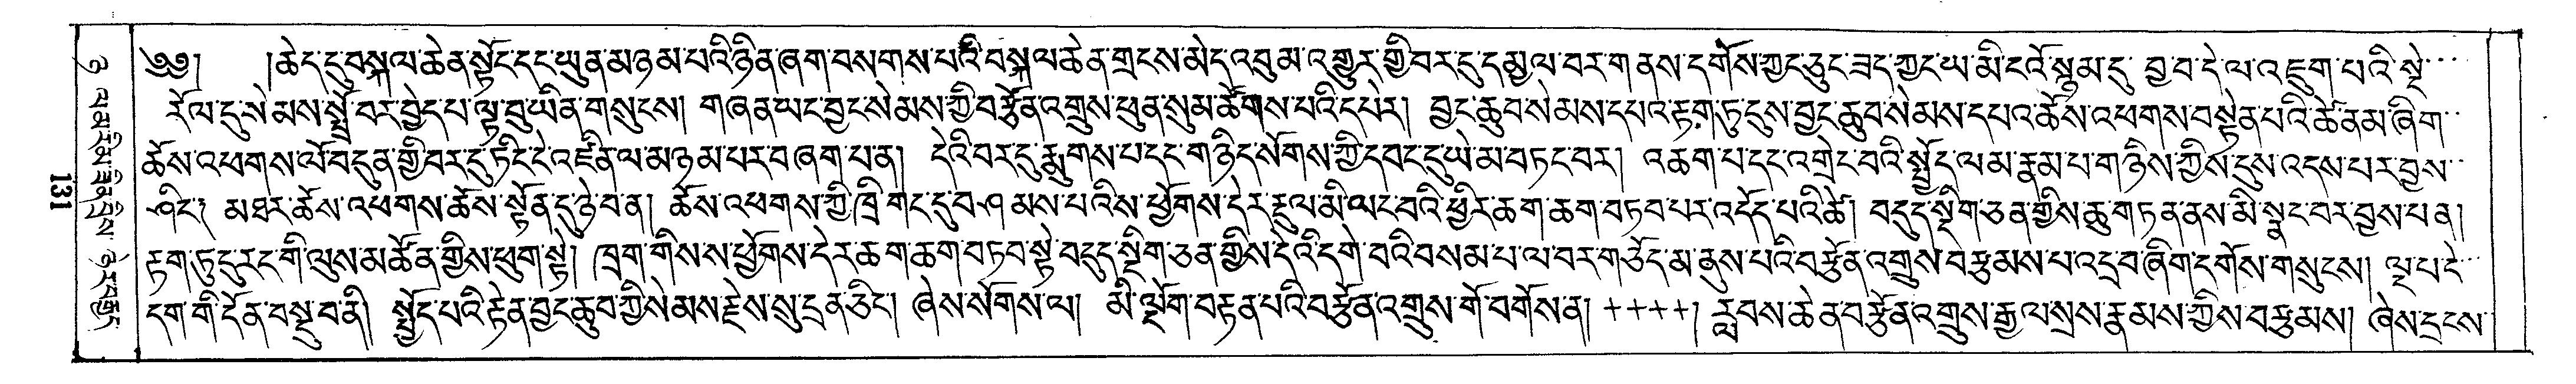༄༅། །ཆེད་དུ་བསྐལ་ཆེན་སྟོང་དང་ཡུན་མཉམ་པའི་ཉིན་ཞག་བསགས་པའི་བསྐལ་ཆེན་གྲངས་མེད་འབུམ་འགྱུར་གྱི་བར་དུ་དམྱལ་བར་གནས་དགོས་ཀྱང་ཅུང་ཟད་ཀྱང་ཡ་མི་ངའོ་སྙམ་དུ་བྱ་བ་དེ་ལ་འཇུག་པའི་སྔ་
རོལ་དུ་སེམས་སྤྲོ་བར་བྱེད་པ་ལྟ་བུ་ཡིན་གསུངས། གཞན་ཡང་བྱང་སེམས་ཀྱི་བརྩོན་འགྲུས་ཕུན་སུམ་ཚོགས་པའི་དཔེར། བྱང་ཆུབ་སེམས་དཔའ་རྟག་ཏུ་དུས་བྱང་ཆུབ་སེམས་དཔའ་ཆོས་འཕགས་བསྟེན་པའི་ཚེ་ནམ་ཞིག་
ཆོས་འཕགས་ལོ་བདུན་གྱི་བར་དུ་ཏིང་ངེ་འཛིན་ལ་མཉམ་པར་བཞག་པ་ན། དེའི་བར་དུ་རྨུགས་བ་དང་གཉིད་སོགས་ཀྱི་དབང་དུ་ཡེ་མ་བཏང་བར། འཆག་པ་དང་འགྲེང་བའི་སྤྱོད་ལམ་རྣམ་པ་གཉིས་ཀྱིས་དུས་འདས་པར་བྱས་
ཤིང༑ མཐར་ཆོས་འཕགས་ཆོས་སྟོན་དུ་ཉེ་བ་ན། ཆོས་འཕགས་ཀྱི་ཁྲི་གང་དུ་བཤམས་པའི་ས་ཕྱོགས་དེར་རྡུལ་མི་ལང་པའི་ཕྱིར་ཆག་ཆག་བཏབ་པར་འདོད་པའི་ཚེ། བདུད་སྡིག་ཅན་གྱིས་ཆུ་གཏན་ནས་མི་སྣང་བར་བྱས་པ་ན།
རྟག་ཏུ་དུ་རང་གི་ལུས་མཚོན་གྱིས་ཕུག་སྟེ། ཁྲག་གིས་ས་ཕྱོགས་དེར་ཆག་ཆག་བཏབ་སྟེ་བདུད་སྡིག་ཅན་གྱིས་དེའི་དགེ་བའི་བསམ་པ་ལ་བར་གཅོད་མ་ནུས་པའི་བརྩོན་འགྲུས་བརྩམས་པ་འདྲ་བ་ཞིག་དགོས་གསུངས། ལྔ་པ་དེ་
དག་གི་དོན་བསྡུ་བ་ནི། སྤྱོད་པའི་རྟེན་བྱང་ཆུབ་ཀྱི་སེམས་རྗེས་སུ་དྲན་ཅིང་། ཞེས་སོགས་ལ། མི་ལྡོག་བརྟན་པའི་བརྩོན་འགྲུས་གོ་བགོས་ན། །རླབས་ཆེན་བརྩོན་འགྲུས་རྒྱལ་སྲས་རྣམས་ཀྱིས་བརྩམས། ཞེས་དྲངས་